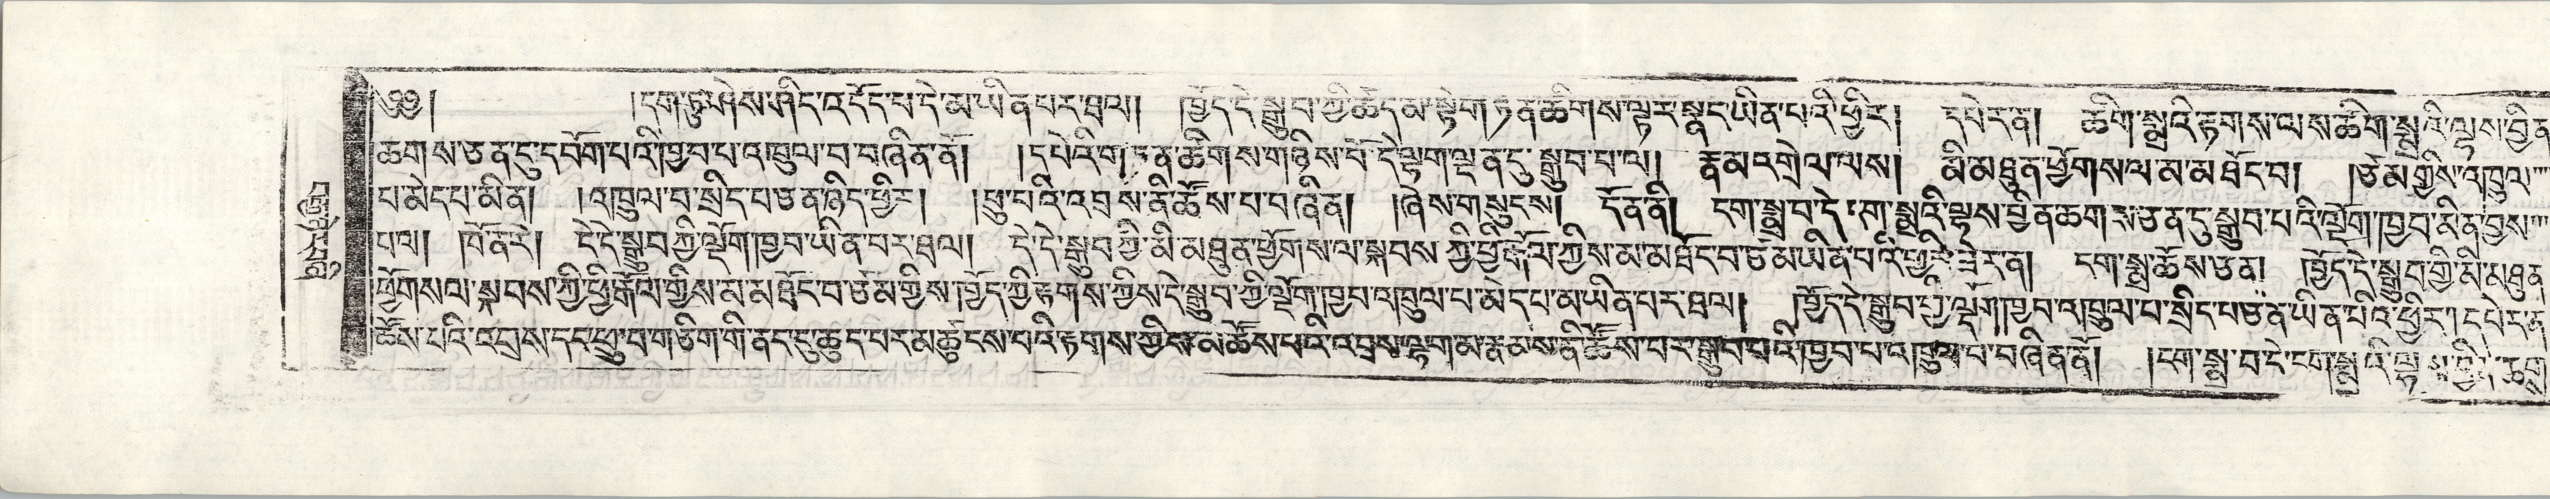དག་ཏུ་ཤེས་ཤིང་འདོད་པ་དེ་མ་ཡིན་པར་ཐལ། ཁྱོད་དེ་སྒྲུབ་ཀྱི་ཚད་མ་སྟེ་གཏན་ཚིགས་ལྟར་སྣང་ཡིན་པའི་ཕྱིར། དཔེར་ན། ཚིག་སྨྲའི་རྟགས་ལས་ཚིག་སྨྲའི་ལྷས་བྱིན་ཆགས་ཅན་དུ་དཔོག་
པའི་ཁྱབ་པ་འཁྲུལ་བ་བཞིན་ནོ། །དཔེའི་གཏན་ཚིགས་གཉིས་པོ་དེ་ལྷག་ལྡན་དུ་སྒྲུབ་པ་ལ། རྣམ་འགྲེལ་ལས། མི་མཐུན་ཕྱོགས་ལ་མ་མཐོང་བ། །ཙམ་གྱིས་འཁྲུལ་བ་མེད་པ་མིན། །འཁྲུལ་བ་སྲིད་པ་ཅན་ཉིད་ཕྱིར། །ཕྲུ་བའི་འབྲས་ནི་ཚོས་པ་བཞིན་ཞེས་གསུངས། དོན་ནི། ངག་སྨྲ་བ་དེ་ངག་སྨྲའི་ལྷས་བྱིན་ཆགས་ཅན་དུ་སྒྲུབ་པའི་ལྡོག་ཁྱབ་མིན་བྱས་པ་ལ། ཁོ་ན་རེ། དེ་དེ་སྒྲུབ་ཀྱི་ལྡོག་ཁྱབ་ཡིན་པར་ཐལ། དེ་དེ་སྒྲུབ་ཀྱི་མི་མཐུན་ཕྱོགས་ལ་སྐབས་ཀྱི་ཕྱི་རྒོལ་གྱིས་མ་མཐོང་བ་ཙམ་ཡིན་པའི་ཕྱིར་ཟེར་
ན། ངག་སྨྲ་ཆོས་ཅན། ཁྱོད་དེ་སྒྲུབ་ཀྱི་མི་མཐུན་ཕྱོགས་ལ་སྐབས་ཀྱི་ཕྱི་རྒོལ་གྱིས་མ་མཐོང་པ་ཙམ་གྱིས་ཁྱོད་ཀྱི་རྟགས་ཀྱིས་དེ་སྒྲུབ་ཀྱི་ལྡོག་ཁྱབ་འཁྲུལ་བ་མེད་པ་མ་ཡིན་པར་ཐལ། ཁྱོད་དེ་སྒྲུབ་ཀྱི་ལྡོག་ཁྱབ་འཁྲུལ་བ་སྲིད་པ་ཅན་ཡིན་པའི་ཕྱིར།
དཔེར་ན་ཚོས་པའི་འབྲས་དང་ཕྲུ་བ་གཅིག་གི་ནང་དུ་ཆུད་པར་མཚུངས་པའི་རྟགས་ཀྱིས་མ་ཚོས་པའི་འབྲས་ལྷག་མ་རྣམས་ནི་ཚོས་པར་སྒྲུབ་པའི་ཁྱབ་པ་འཁྲུལ་བ་བཞིན་ནོ། །ངག་སྨྲ་བ་དེ་ངག་སྨྲའི་ལྷས་བྱིན་ཆགས་